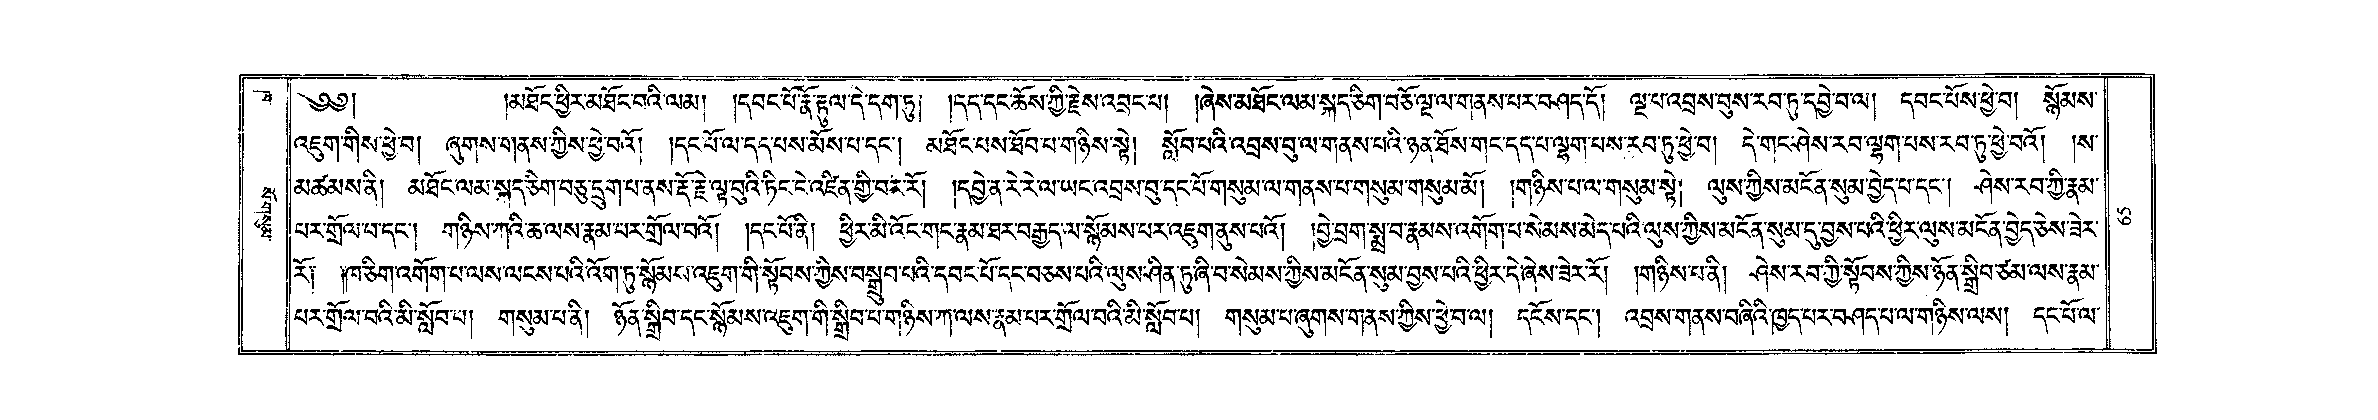༄༅། །མཐོང་ཕྱིར་མཐོང་བའི་ལམ། །དབང་པོ་རྣོ་རྟུལ་དེ་དག་ཏུ། །དད་དང་ཆོས་ཀྱི་རྗེས་འབྲང་པ། །ཞེས་མཐོང་ལམ་སྐད་ཅིག་བཅོ་ལྔ་ལ་གནས་པར་བཤད་དོ། ལྔ་པ་འབྲས་བུས་རབ་ཏུ་དབྱེ་བ་ལ། དབང་པོས་ཕྱེ་བ། སྙོམས་
འཇུག་གིས་ཕྱེ་བ། ཞུགས་གནས་ཀྱིས་ཕྱེ་བའོ། །དང་པོ་ལ་དད་པས་མོས་པ་དང་། མཐོང་པས་ཐོབ་པ་གཉིས་སྟེ། སློབ་པའི་འབྲས་བུ་ལ་གནས་པའི་ཉན་ཐོས་གང་དད་པ་ལྷག་པས་རབ་ཏུ་ཕྱེ་བ། དེ་གང་ཤེས་རབ་ལྷག་པས་རབ་ཏུ་ཕྱེ་བའོ། །ས་
མཚམས་ནི། མཐོང་ལམ་སྐད་ཅིག་བཅུ་དྲུག་པ་ནས་རྡོ་རྗེ་ལྟ་བུའི་ཏིང་ངེ་འཛིན་གྱི་བར་རོ། །དབྱེ་ན་རེ་རེ་ལ་ཡང་འབྲས་བུ་དང་པོ་གསུམ་ལ་གནས་པ་གསུམ་གསུམ་མོ། །གཉིས་པ་ལ་གསུམ་སྟེ། ལུས་ཀྱིས་མངོན་སུམ་བྱེད་པ་དང་། ཤེས་རབ་ཀྱི་རྣམ་
པར་གྲོལ་བ་དང་། གཉིས་ཀའི་ཆ་ལས་རྣམ་པར་གྲོལ་བའོ། །དང་པོ་ནི། ཕྱིར་མི་འོང་གང་རྣམ་ཐར་བརྒྱད་ལ་སྙོམས་པར་འཇུག་ནུས་པའོ། །བྱེ་བྲག་སྨྲ་བ་རྣམས་འགོག་པ་སེམས་མེད་པའི་ལུས་ཀྱིས་མངོན་སུམ་དུ་བྱས་པའི་ཕྱིར་ལུས་མངོན་བྱེད་ཅེས་ཟེར་
རོ༑ ༑ཁ་ཅིག་འགོག་པ་ལས་ལངས་པའི་འོག་ཏུ་སྙོམས་འཇུག་གི་སྟོབས་ཀྱིས་བསྒྲུབ་པའི་དབང་པོ་དང་བཅས་པའི་ལུས་ཤིན་ཏུ་ཞི་བ་སེམས་ཀྱིས་མངོན་སུམ་བྱས་པའི་ཕྱིར་དེ་ཞེས་ཟེར་རོ། །གཉིས་པ་ནི། ཤེས་རབ་ཀྱི་སྟོབས་ཀྱིས་ཉོན་སྒྲིབ་ཙམ་ལས་རྣམ་
པར་གྲོལ་བའི་མི་སློབ་པ། གསུམ་པ་ནི། ཉོན་སྒྲིབ་དང་སྙོམས་འཇུག་གི་སྒྲིབ་པ་གཉིས་ཀ་ལས་རྣམ་པར་གྲོལ་བའི་མི་སློབ་པ། གསུམ་པ་ཞུགས་གནས་ཀྱིས་ཕྱེ་བ་ལ། དངོས་དང་། འབྲས་གནས་བཞིའི་ཁྱད་པར་བཤད་པ་ལ་གཉིས་ལས། དང་པོ་ལ་